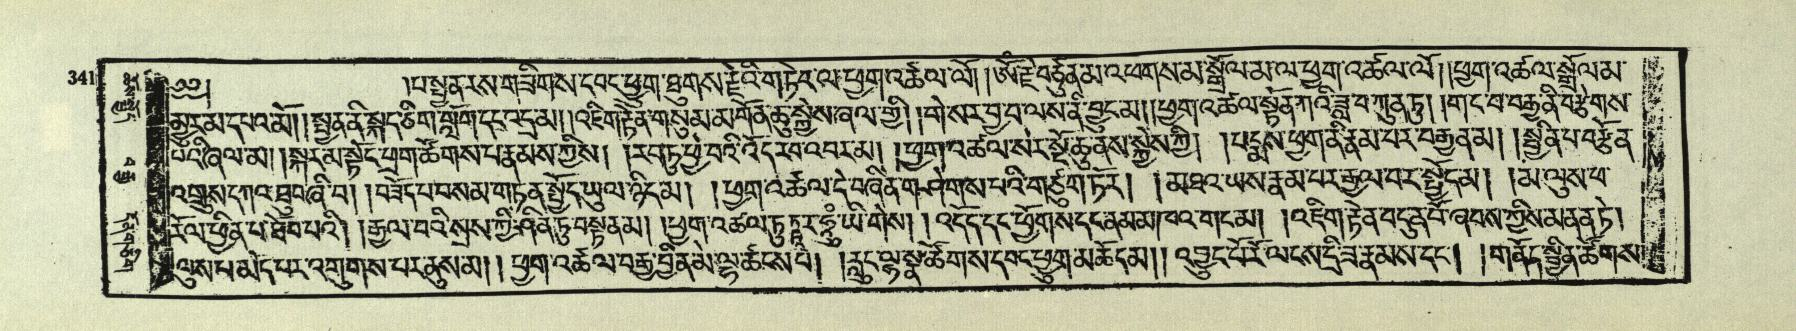༄༅། །པ་སྤྱན་རས་གཟིགས་དབང་ཕྱུག་ཐུགས་རྗེའི་གཏེར་ལ་ཕྱག་འཚལ་ལོ། །ཨོཾ་རྗེ་བཙུན་མ་འཕགས་མ་སྒྲོལ་མ་ལ་ཕྱག་འཚལ་ལོ། །ཕྱག་འཚལ་སྒྲོལ་མ་
མྱུར་མ་དཔའ་མོ། །སྤྱན་ནི་སྐད་ཅིག་གློག་དང་འདྲ་མ། །འཇིག་རྟེན་གསུམ་མགོན་ཆུ་སྐྱེས་ཞལ་གྱི། །གེ་སར་བྱ་བ་ལས་ནི་བྱུང་མ། །ཕྱག་འཚལ་སྟོན་ཀའི་ཟླ་བ་ཀུན་ཏུ། །གང་བ་བརྒྱ་ནི་བརྩེགས་
པའི་ཞལ་མ། །སྐར་མ་སྟོང་ཕྲག་ཚོགས་པ་རྣམས་ཀྱིས། །རབ་ཏུ་ཕྱེ་བའི་འོད་རབ་འབར་མ། །ཕྱག་འཚལ་སེར་སྔོ་ཆུ་ནས་སྐྱེས་ཀྱི། །པདམས་ཕྱག་ནི་རྣམ་པར་བརྒྱན་མ། །སྦྱིན་པ་བརྩོན་
འགྲུས་དཀའ་ཐུབ་ཞི་བ། །བཟོད་པ་བསམ་གཏན་སྤྱོད་ཡུལ་ཉིད་མ། །ཕྱག་འཚལ་དེ་བཞིན་གཤེགས་པའི་གཙུག་ཏོར། །མཐའ་ཡས་རྣམ་པར་རྒྱལ་བར་སྤྱོད་མ། །མ་ལུས་ཕ་
རོལ་ཕྱིན་པ་ཐོབ་པའི། །རྒྱལ་བའི་སྲས་ཀྱི་ཤིན་ཏུ་བསྟན་མ། །ཕྱག་འཚལ་ཏུ་ཏྟཱ་ར་ཧཱུཾ་ཡི་གེས། །འདོད་དང་ཕྱོགས་དང་ནམ་མཁའ་གང་མ། །འཇིག་རྟེན་བདུན་པོ་ཞབས་ཀྱིས་མནན་ཏེ།
ལུས་པ་མེད་པར་འགུགས་པར་ནུས་མ། །ཕྱག་འཚལ་བརྒྱ་བྱིན་མེ་ལྷ་ཚངས་པ། །རླུང་ལྷ་སྣ་ཚོགས་དབང་ཕྱུག་མཆོད་མ། །འབྱུང་པོ་རོ་ལངས་དྲི་ཟ་རྣམས་དང་། །གནོད་སྦྱིན་ཚོགས་